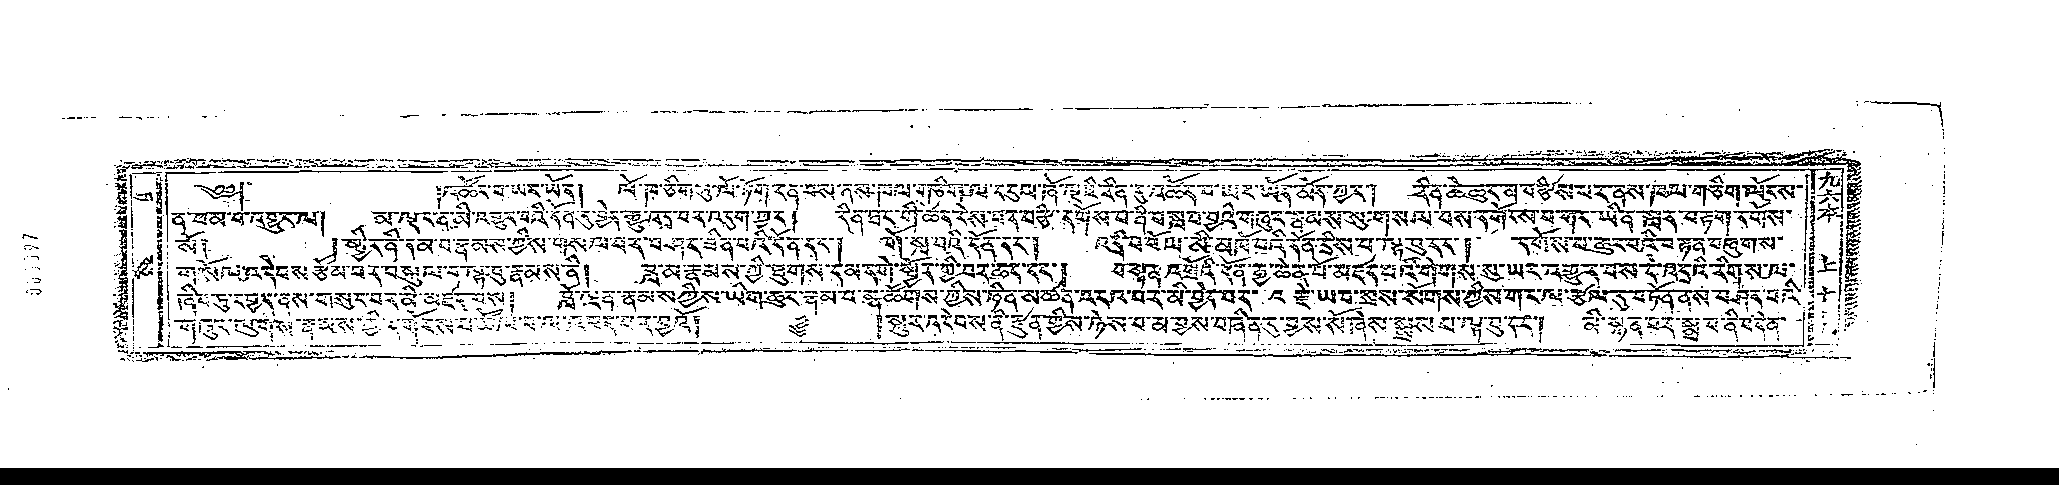༄༅། །འཚོང་བ་ཡང་ཡོད། ལོ་ཁ་ཅིག་ཏུ་ལོ་ཏོག་དན་པས་ནས་ཁལ་གཅིག་ལ་དངུལ་ཞོ་ལྔའི་རིན་དུ་འཚོང་བ་ཡང་ཡོད་མོད་ཀྱང་། རིན་ཆེ་ཆུང་མ་བརྩིས་པར་ནས་ཁལ་གཅིག་ལོངས་
ན་ཕམ་བ་འབྱུང་ལ། མ་ལྡན་ན་མི་འབྱུང་བའི་དོན་དུ་བྱེད་རྒྱུ་འདྲ་བར་འདུག་ཀྱང་། རིན་ཐང་གི་ཚང་ངེས་པར་བརྩི་དགོས་བ་ནི་བསླབ་བྱའི་གཞུང་རྣམས་སུ་གསལ་བས་དགོངས་པ་གང་ཡིན་སླར་བརྟག་དགོས་
སོ། །སྤྱིར་ནི་དམ་པ་རྣམས་ཀྱིས་གསལ་བར་བཤད་ཟིན་པའི་དོན་དང་། གོ་སླ་བའི་དོན་དང་། འདྲི་བ་པོ་ལ་མི་མཁོ་བའི་དོན་དྲིས་པ་ལྟ་བུ་དང་། དགོས་པ་ཆུར་བའི་བརྟན་བཞུགས་
གསོལ་འདེབས་རྩོམ་པར་བསྐུལ་བ་ལྟ་བུ་རྣམས་ནི། བླ་མ་རྣམས་ཀྱི་ཐུགས་དམ་དགེ་སྦྱོར་གྱི་བར་ཆད་དང་། བསྟན་འགྲོའི་དོན་རྒྱ་ཆེན་པོ་མཛད་པའི་གེགས་སུ་ཡང་འགྱུར་པས་དེ་འདྲའི་རིགས་ལ་
ཞིབ་ཏུ་དཔྱད་ནས་གསུང་བར་མི་མཛད་པས། བློ་ལྡན་རྣམས་ཀྱིས་ཡིག་ཆུང་རྣམ་བ་སྣ་ཚོགས་ཀྱིས་ཉིན་མཚན་འདའ་བར་མི་བྱེད་བར་འྲྗེ་ཡབ་སྲས་སོགས་ཀྱིས་གང་ལ་རྩལ་དུ་བཏོན་ནས་བཤད་པའི་
གཞུང་ལུགས་རྣམས་ཀྱི་དགོངས་པ་ཆོ་ལ་བ་ལ་འབད་པར་བྱའོ། ༈ །སྐུར་འདེབས་ནི་རྫུན་གྱིས་ཉེས་བ་མ་བྱས་བཞིན་དུ་བྱས་སོ་ཞེས་སྨྲས་པ་ལྟ་བུ་དང་། མི་སྙན་པར་སྨྲ་བ་ནི་བདེན་